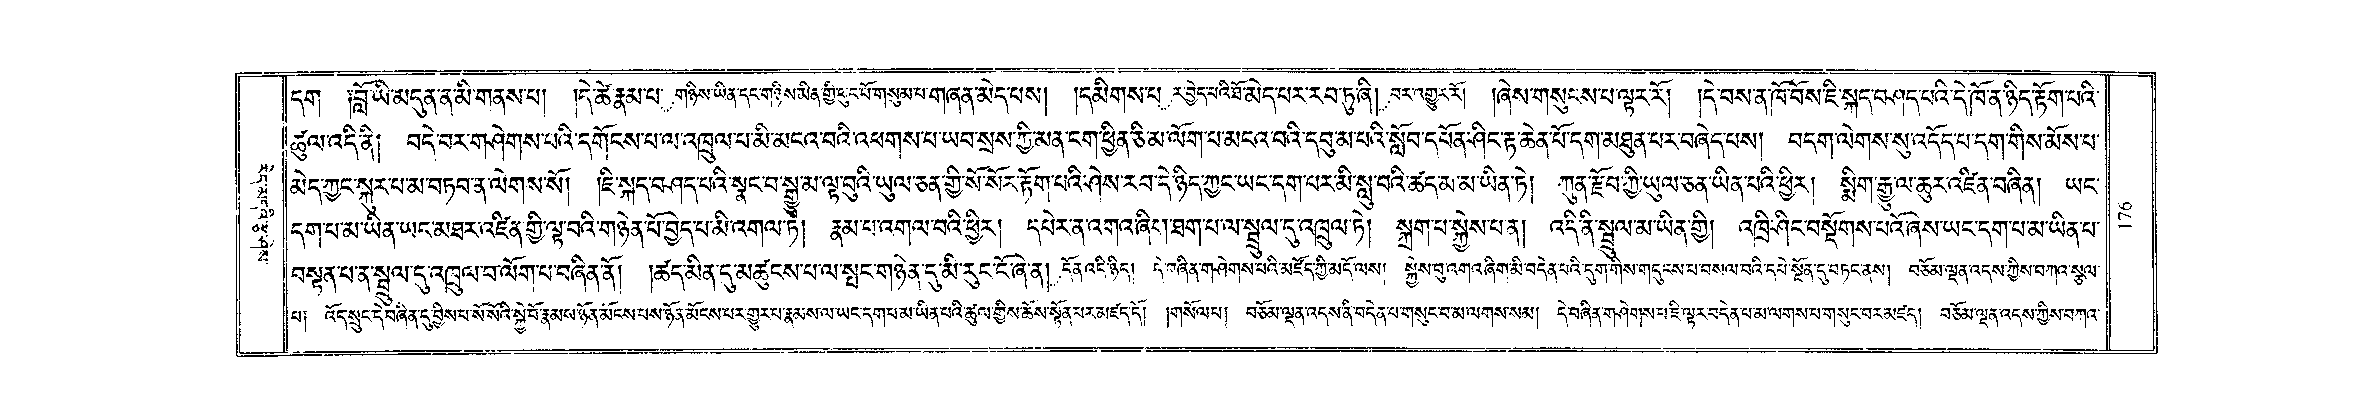དག །བློ་ཡི་མདུན་ན་མི་གནས་པ། །དེ་ཚེ་རྣམ་པ་གཉིས་ཡིན་དང་གཉིས་མིན་གྱི་ཕུང་པོ་གསུམ་པ་གཞན་མེད་པས། །དམིགས་པར་བྱེད་པའི་ཐོ་མེད་པར་རབ་ཏུ་ཞི། བར་འགྱུར་རོ།  །ཞེས་གསུངས་པ་ལྟར་རོ། །དེ་བས་ན་ཁོ་བོས་ཇི་སྐད་བཤད་པའི་དེ་ཁོ་ན་ཉིད་རྟོག་པའི་
ཚུལ་འདི་ནི། བདེ་བར་གཤེགས་པའི་དགོངས་པ་ལ་འཁྲུལ་པ་མི་མངའ་བའི་འཕགས་པ་ཡབ་སྲས་ཀྱི་མན་ངག་ཕྱིན་ཅི་མ་ལོག་པ་མངའ་བའི་དབུ་མ་པའི་སློབ་དཔོན་ཤིང་རྟ་ཆེན་པོ་དག་མཐུན་པར་བཞེད་པས། བདག་ལེགས་སུ་འདོད་པ་དག་གིས་མོས་པ་
མེད་ཀྱང་སྐུར་པ་མ་བཏབ་ན་ལེགས་སོ། །ཇི་སྐད་བཤད་པའི་སྣང་བ་སྒྱུ་མ་ལྟ་བུའི་ཡུལ་ཅན་གྱི་སོ་སོར་རྟོག་པའི་ཤེས་རབ་དེ་ཉིད་ཀྱང་ཡང་དག་པར་མི་སླུ་བའི་ཚད་མ་མ་ཡིན་ཏེ། ཀུན་རྫོབ་ཀྱི་ཡུལ་ཅན་ཡིན་པའི་ཕྱིར། སྨིག་རྒྱུ་ལ་ཆུར་འཛིན་བཞིན། ཡང་
དག་པ་མ་ཡིན་ཡང་མཐར་འཛིན་གྱི་ལྟ་བའི་གཉེན་པོ་བྱེད་པ་མི་འགལ་ཏེ། རྣམ་པ་འགལ་བའི་ཕྱིར། དཔེར་ན་འགའ་ཞིག་ཐག་པ་ལ་སྦྲུལ་དུ་འཁྲུལ་ཏེ། སྐྲག་པ་སྐྱེས་པ་ན། འདི་ནི་སྦྲུལ་མ་ཡིན་གྱི། འཁྲི་ཤིང་བསྡོགས་པའོ་ཞེས་ཡང་དག་པ་མ་ཡིན་པ་
བསྟན་པ་ན་སྦྲུལ་དུ་འཁྲུལ་བ་ལོག་པ་བཞིན་ནོ། །ཚད་མིན་དུ་མཚུངས་པ་ལ་སྤང་གཉེན་དུ་མི་རུང་ངོ་ཞེ་ན། དོན་འདི་ཉིད། དེ་བཞིན་གཤེགས་པའི་མཛོད་ཀྱི་མདོ་ལས། སྐྱེས་བུ་འགའ་ཞིག་མི་བདེན་པའི་དུག་གིས་གདུངས་པ་བསལ་བའི་དཔེ་སྔོན་དུ་བཏང་ནས། བཅོམ་ལྡན་འདས་ཀྱིས་བཀའ་སྩལ་
པ༑ འོད་སྲུང་དེ་བཞིན་དུ་བྱིས་པ་སོ་སོའི་སྐྱེ་བོ་རྣམས་ཉོན་མོངས་པས་ཉོན་མོངས་པར་གྱུར་པ་རྣམས་ལ་ཡང་དག་པ་མ་ཡིན་པའི་ཚུལ་གྱིས་ཆོས་སྟོན་པར་མཛད་དོ། །གསོལ་པ། བཅོམ་ལྡན་འདས་ནི་བདེན་པ་གསུང་བ་མ་ལགས་སམ། དེ་བཞིན་གཤེགས་པ་ཇི་ལྟར་བདེན་པ་མ་ལགས་པ་གསུང་བར་མཛད། །བཅོམ་ལྡན་འདས་ཀྱིས་བཀའ་